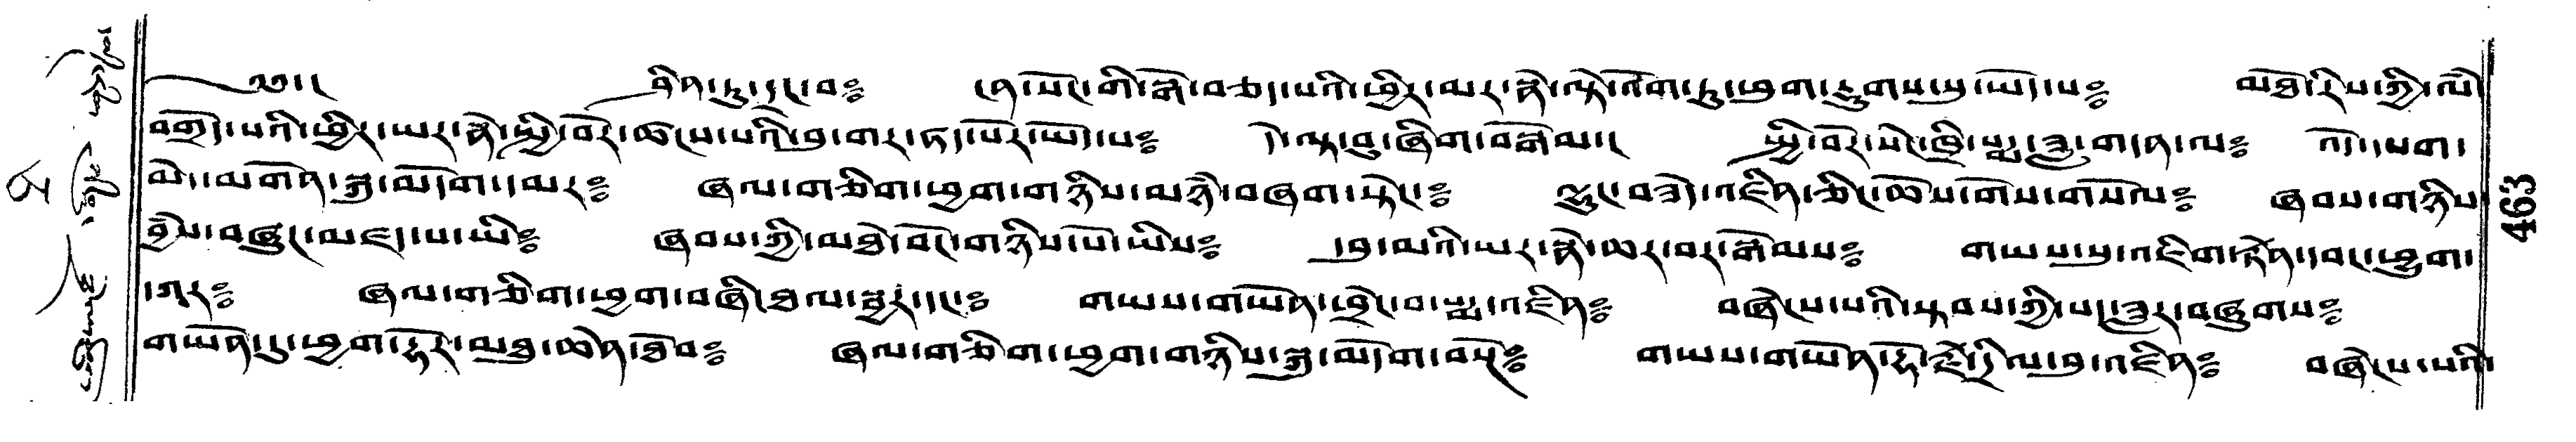ཤིན་ཏུ་དྲང་བ༔ ངན་སོང་གི་སྒོ་གཅོད་པའི་ཕྱིར་མར་སྣེ་ལྟེ་འོག་ཏུ་ཕུག་རྡུགས་སུ་ཡོད་པ༔ མཐོ་རིས་ཀྱི་ལམ་
བགྲོད་པའི་ཕྱིར་ཡར་སྣེ་སྤྱི་བོ་ཚངས་པའི་བུ་གར་ཧད་པོར་ཡོད་པ༔ དེ་ལྟ་བུ་ཞིག་བསྒོམ༔ སྤྱི་བོར་སེང་ཁྲི་པདྨ་ཟླ་གདན་ལ༔ འོད་དཔག་
མེད་མགོན་སྐུ་མདོག་དམར༔ ཞལ་གཅིག་ཕྱག་གཉིས་མཉམ་བཞག་སྟེང༔ ལྷུང་བཟེད་འཛིན་ཞིང་ཆོས་གོས་གསོལ༔ ཞབས་གཉིས་
བྱམས་བཞུགས་མཛད་པ་ཡི༔ ཞབས་ཀྱི་མཐེ་བོང་གཉིས་པོ་ཡིས༔ དབུ་མའི་ཡར་སྣེ་བཀག་པར་སྒོམས༔ གཡས་སུ་འཇིག་རྟེན་དབང་ཕྱུག་
དཀར༔ ཞལ་གཅིག་ཕྱག་བཞི་ཐལ་སྦྱར་དང༔ གཡས་གཡོན་ཕྲེང་བ་པདྨ་འཛིན༔ བཞེངས་པའི་སྟབས་ཀྱི་པད་ཟླར་བཞུགས༔
གཡོན་དུ་ཕྱག་རྡོར་མཐུ་ཆེན་ཐོབ༔ ཞལ་གཅིག་ཕྱག་གཉིས་སྐུ་མདོག་བསྔོ༔ གཡས་གཡོན་རྡོ་རྗེ་དྲིལ་བུ་འཛིན༔ བཞེངས་པའི་